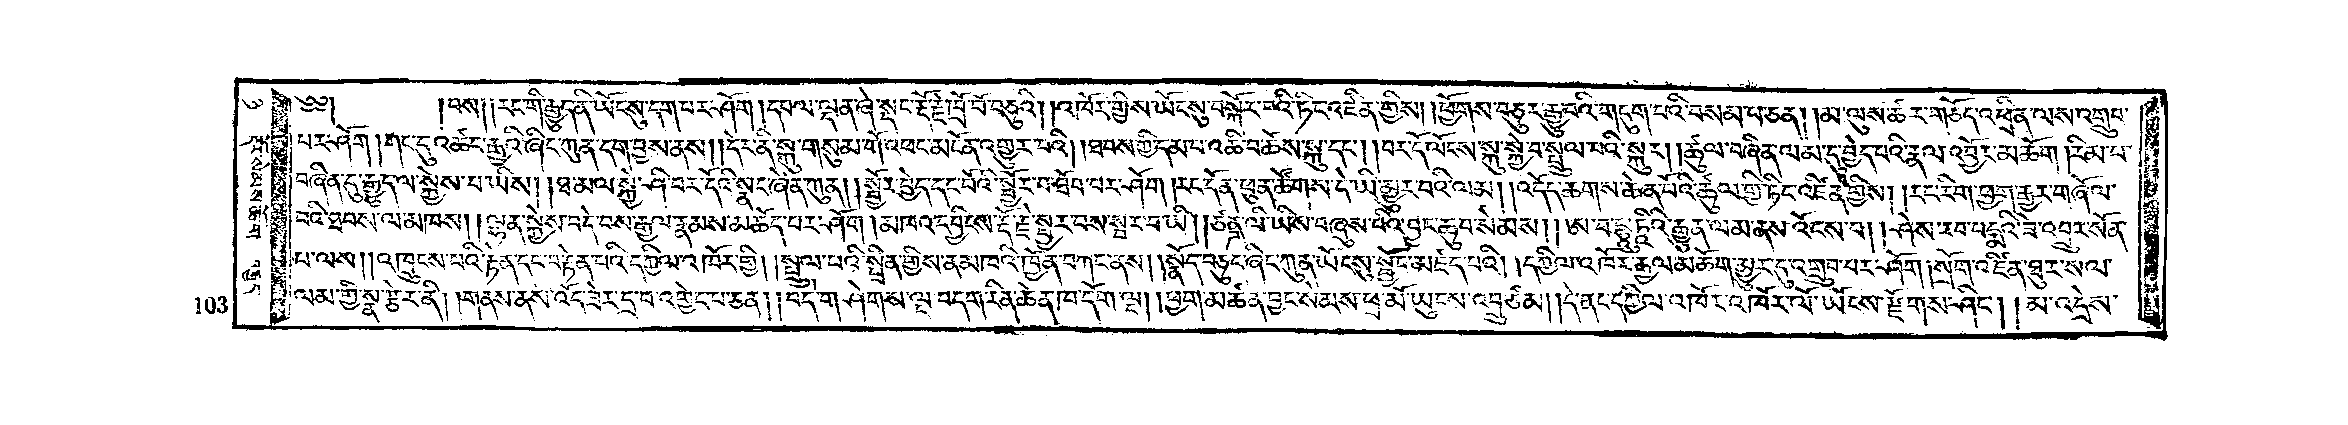༄༅། །པས། །རང་གི་རྒྱུད་ནི་ཡོངས་སུ་དག་པར་ཤོག །དཔལ་ལྡན་ཞེ་སྡང་རྡོ་རྗེ་ཁྲོ་བོ་བཅུའི། །འཁོར་གྱིས་ཡོངས་སུ་བསྐོར་བའི་ཏིང་འཛིན་གྱིས། །ཕྱོགས་བཅུར་རྒྱུ་བའི་གདུག་པའི་བསམ་པ་ཅན། །མ་ལུས་ཚར་གཅོད་འཕྲིན་ལས་འགྲུབ་
པར་ཤོག །གང་དུ་འཚང་རྒྱའི་ཞིང་ཀུན་དག་བྱས་ནས། །དེར་ནི་སྐུ་གསུམ་གོ་འཕང་མངོན་འགྱུར་བའི། །ཐབས་ཀྱི་དམ་པ་འཆི་བ་ཆོས་སྐུ་དང་། །བར་དོ་ལོངས་སྐུ་སྐྱེ་བ་སྤྲུལ་པའི་སྐུར། །ཚུལ་བཞིན་ལམ་དུ་བྱེད་པའི་རྣལ་འབྱོར་མཆོག །རིམ་པ་
བཞིན་དུ་རྒྱུད་ལ་སྐྱེས་པ་ཡིས། །ཐ་མལ་སྐྱེ་ཤི་བར་དོའི་སྣང་ཞེན་ཀུན། །སྦྱོར་བྱེད་དང་པོའི་སྦྱོར་བ་ཐོབ་པར་ཤོག །རང་དོན་ཕུན་ཚོགས་དེ་ཡི་མྱུར་བའི་ལམ། །འདོད་ཆགས་ཆེན་པོའི་ཚུལ་གྱི་ཏིང་འཛིན་གྱིས། །རང་རིག་ཕྱག་རྒྱར་གཞོལ་
བའི་ཐབས་ལ་མཁས། །ལྷན་སྐྱེས་བདེ་བས་རྒྱལ་རྣམས་མཆོད་པར་ཤོག །མཁའ་དབྱིངས་རྡོ་རྗེ་སྦྱར་བས་སྦར་བ་ཡི། །ཙནྜ་ལི་ཡིས་བཞུས་པའི་བྱང་ཆུབ་སེམས། །ཨ་བ་དྷཱུ་ཏཱིའི་རྒྱུན་ལམ་ནས་འོངས་པ། །ཤེས་རབ་པདམའི་ཟེ་འབྲུར་སོན་
པ་ལས། །འཁྲུངས་པའི་རྟེན་དང་བརྟེན་པའི་དཀྱིལ་འཁོར་གྱི། །སྤྲུལ་པའི་སྤྲིན་གྱིས་ནམ་མཁའི་ཁྱོན་བཀང་ནས། །སྣོད་བཅུད་ཞིང་ཀུན་ཡོངས་སུ་སྦྱོང་མཛད་པའི། །དཀྱིལ་འཁོར་རྒྱལ་མཆོག་མྱུར་དུ་འགྲུབ་པར་ཤོག །སྲོག་འཛིན་ཐུར་སལ་
ལམ་གྱི་སྣ་རྩེར་ནི། །གནས་ནས་འོད་ཟེར་དྲ་བ་འགྱེད་པ་ཅན། །བདེ་གཤེགས་ལྔ་བདག་རིན་ཆེན་ཁ་དོག་ལྔ། །ཕྱག་མཚན་བྱང་སེམས་ཕྲ་མོ་ཡུངས་འབྲུ་ཙམ། །དེ་ནང་དཀྱིལ་འཁོར་འཁོར་ལོ་ཡོངས་རྫོགས་ཤིང་། །མ་འདྲེས་